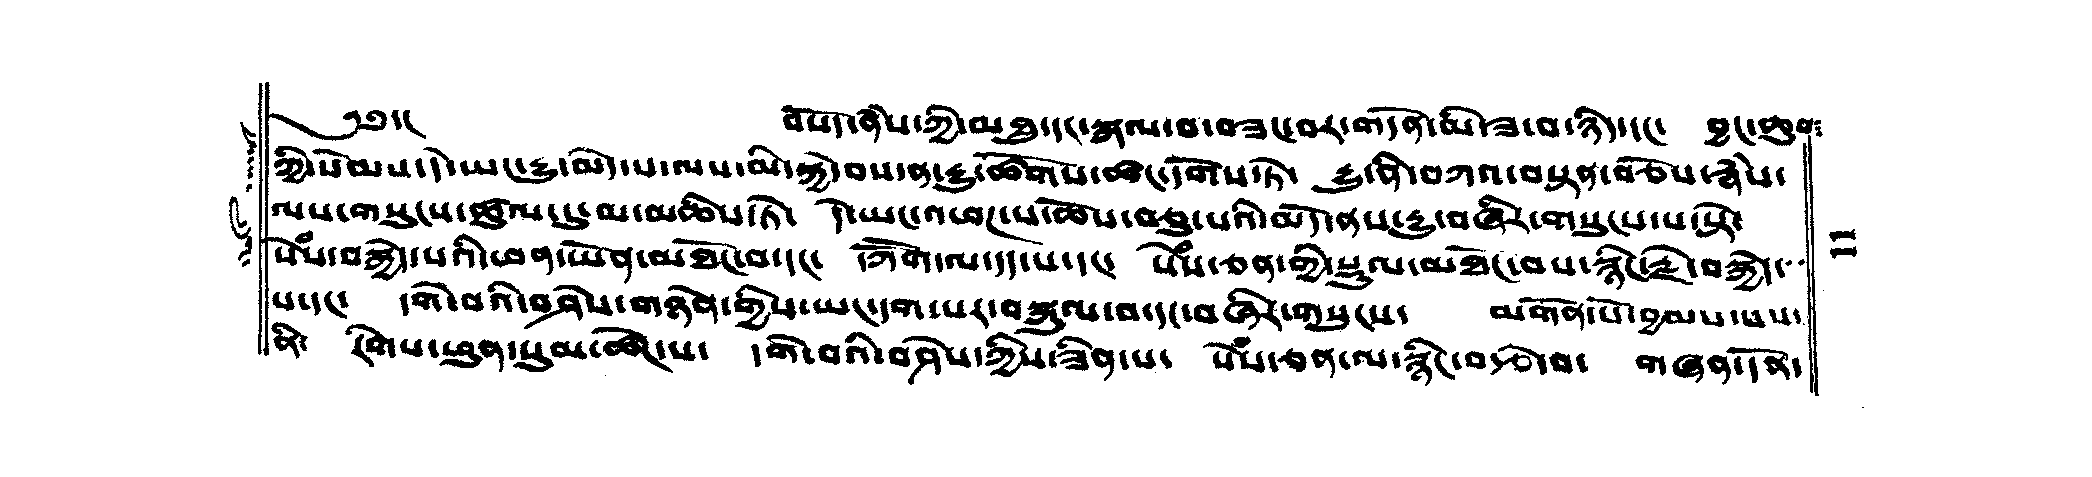བསོད་ནམས་ཀྱི་མཐུ་དང་སྐལ་བ་བཟང་བར་གདོན་མི་ཟ་བ་ཉི་དང་། བྱང་ཆུབ་
ཀྱི་སེམས་དེ་ཡང་རྒྱུ་མེད་པ་ལས་མི་སྐྱེ་བས་ན་རྒྱུ་ཚོགས་ཚང་དགོས་ཏེ། རྒྱུ་ནི་བཀའ་བསྟན་བཅོས་རྣམས་
ལས་གསུངས་ཚུལ་དུ་མ་མཆིས་ཏེ། དེ་ཡང་འཕགས་པ་ཆོས་བཅུ་པའི་མདོ་ནས་རྒྱུ་བཞིར་གསུངས་པ་སྟེ། 
སེམས་བསྐྱེད་པའི་ཕན་ཡོན་མཐོང་བ་དང་། དཀོན་མཆོག་ལ་དད་པ་དང་། སེམས་ཅན་གྱི་སྡུག་བསྔལ་མཐོང་བས་སྙིང་རྗེ་བསྐྱེད་
པ་དང་། དགེ་བའི་བཤེས་གཉེན་གྱིས་ཡང་དག་པར་བསྐུལ་བ་དང་བཞིར་གསུངས། མགོན་པོ་བྱམས་པས་
ནི། རིགས་ཕུན་སུམ་ཚོགས་པ། དགེ་བའི་བཤེས་ཀྱིས་ཟིན་པ། སེམས་ཅན་ལ་སྙིང་བརྩེ་བ། གཞན་དོན་